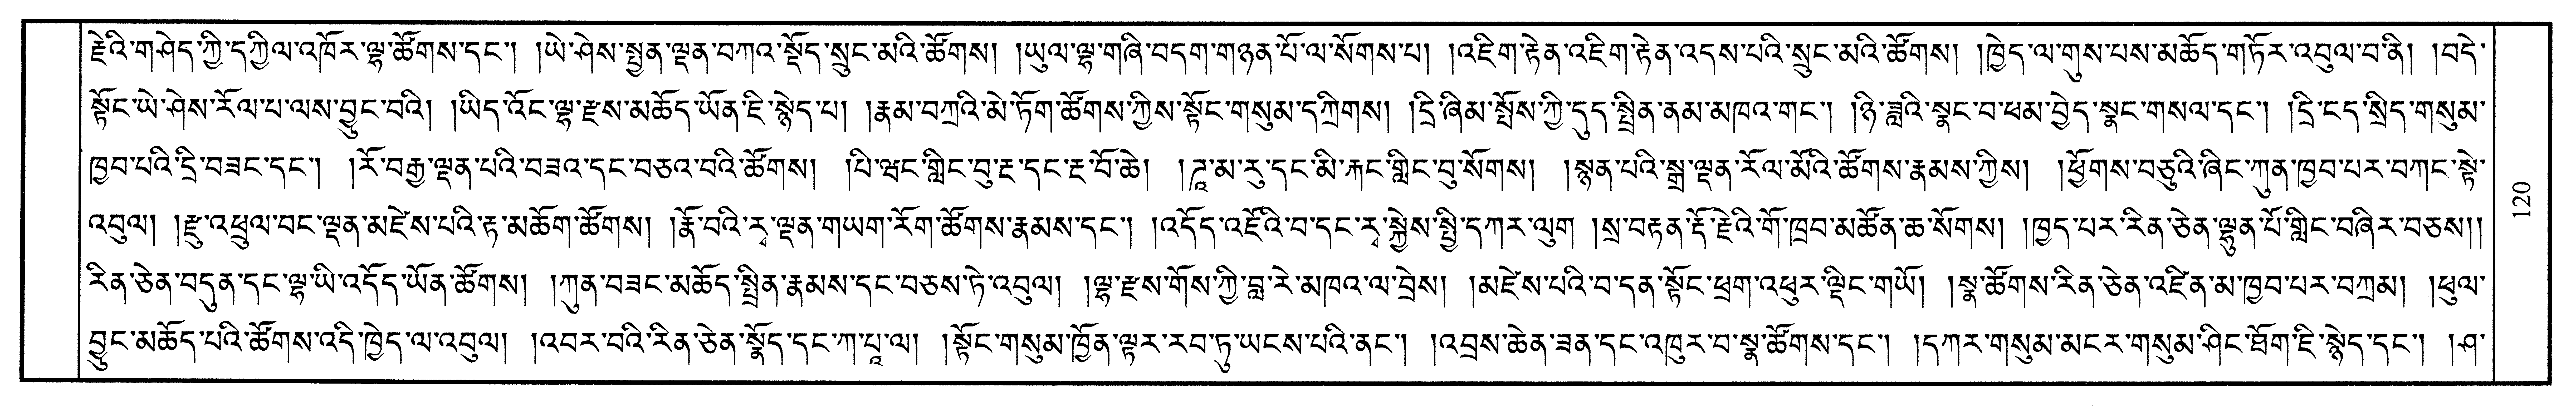རྗེའི་གཤེད་ཀྱི་དཀྱིལ་འཁོར་ལྷ་ཚོགས་དང་། །ཡེ་ཤེས་སྤྱན་ལྡན་བཀའ་སྡོད་སྲུང་མའི་ཚོགས། །ཡུལ་ལྷ་གཞི་བདག་གཉན་པོ་ལ་སོགས་པ། །འཇིག་རྟེན་འཇིག་རྟེན་འདས་པའི་སྲུང་མའི་ཚོགས། །ཁྱེད་ལ་གུས་པས་མཆོད་གཏོར་འབུལ་བ་ནི། །བདེ་
སྟོང་ཡེ་ཤེས་རོལ་པ་ལས་བྱུང་བའི། །ཡིད་འོང་ལྷ་རྫས་མཆོད་ཡོན་ཇི་སྙེད་པ། །རྣམ་བཀྲའི་མེ་ཏོག་ཚོགས་ཀྱིས་སྟོང་གསུམ་དཀྲིགས་།དྲི་ཞིམ་སྤོས་ཀྱི་དུད་སྤྲིན་ནམ་མཁའ་གང་། །ཉི་ཟླའི་སྣང་བ་ཕམ་བྱེད་སྣང་གསལ་དང་། །དྲི་ངད་སྲིད་གསུམ་
ཁྱབ་པའི་དྲི་བཟང་དང་། །རོ་བརྒྱ་ལྡན་པའི་བཟའ་དང་བཅའ་བའི་ཚོགས། །པི་ཝང་གླིང་བུ་རྔ་དང་རྔ་བོ་ཆེ། །ཌཱ་མ་རུ་དང་མི་རྐང་གླིང་བུ་སོགས། །སྙན་པའི་སྒྲ་ལྡན་རོལ་མོའི་ཚོགས་རྣམས་ཀྱིས། །ཕྱོགས་བཅུའི་ཞིང་ཀུན་ཁྱབ་པར་བཀང་སྟེ་
འབུལ། །རྫུ་འཕྲུལ་བང་ལྡན་མཛེས་པའི་རྟ་མཆོག་ཚོགས། །རྣོ་བའི་རྭ་ལྡན་གཡག་རོག་ཚོགས་རྣམས་དང་། །འདོད་འཇོའི་བ་དང་རྭ་སྐྱེས་སྤྱི་དཀར་ལུག །སྲ་བརྟན་རྡོ་རྗེའི་གོ་ཁྲབ་མཚོན་ཆ་སོགས། །ཁྱད་པར་རིན་ཅེན་ལྷུན་པོ་གླིང་བཞིར་བཅས།།
རིན་ཅེན་བདུན་དང་ལྷ་ཡི་འདོད་ཡོན་ཚོགས། །ཀུན་བཟང་མཆོད་སྤྲིན་རྣམས་དང་བཅས་ཏེ་འབུལ། །ལྷ་རྫས་གོས་ཀྱི་བླ་རེ་མཁའ་ལ་བྲེས། །མཛེས་པའི་བ་དན་སྟོང་ཕྲག་འཕུར་ལྡིང་གཡོ། །སྣ་ཚོགས་རིན་ཅེན་འཛིན་མ་ཁྱབ་པར་བཀྲམ། །ཕུལ་
བྱུང་མཆོད་པའི་ཚོགས་འདི་ཁྱེད་ལ་འབུལ། །འབར་བའི་རིན་ཅེན་སྣོད་དང་ཀ་པཱ་ལ། །སྟོང་གསུམ་ཁྱོན་ལྟར་རབ་ཏུ་ཡངས་པའི་ནང་། །འབྲས་ཆེན་ཟན་དང་འཁུར་བ་སྣ་ཚོགས་དང་། །དཀར་གསུམ་མངར་གསུམ་ཤིང་ཐོག་ཇི་སྙེད་དང་། །ཤ་